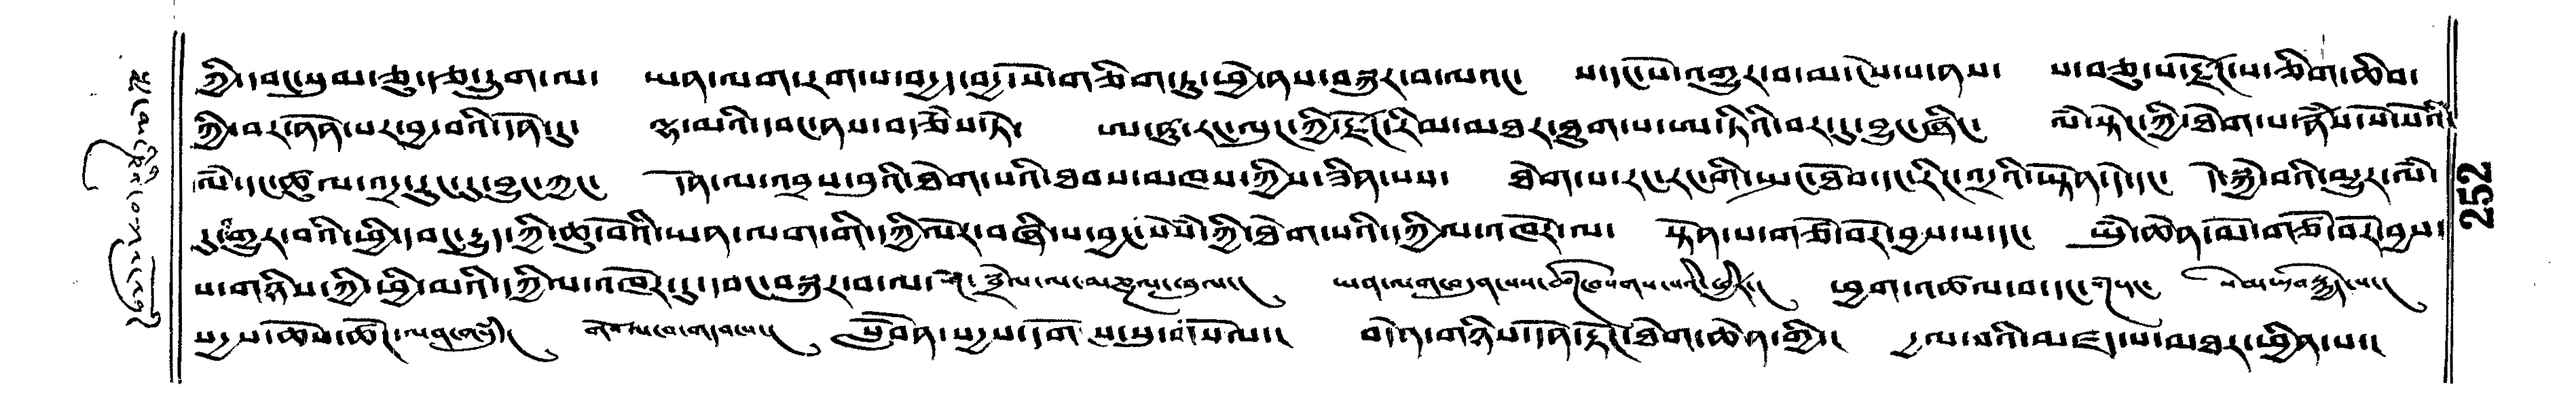ཀྱི་དབང་སུམ་ཅུ་རྩ་དྲུག་ལ། ཡན་ལག་རགས་པ་བརྒྱད་བརྒྱ་སོ་གཅིག་ཏུ་ཕྱེ་ནས་བསྐུར་བ་ལའང་། ས་དང་པོ་འགྱུར་བ་མ་ངེས་པ་ནས། ས་བཅུ་པ་རྫོགས་པ་ཅིག་ཆུབ་
ཀྱི་བར་ནོན་པར་བྱ་བའི་དོན་དུ། ལྷ་མིའི་དབང་ནས་བརྩམས་ཏེ། ཨ་ནུ་རང་ལུགས་ཀྱི་རྫོགས་རིམ་མཐར་ཐུག་ཨ་ཏིའི་བར་དུ་བྱུང་ཞིང་། ལམ་སྟེག་གྱི་ཐེག་པ་རྣམས་སོ་སོའི་
ལམ་དང་ཚུལ་འདྲ་རུང་དུ་བྱུང་ཡང་། དོན་ལ་འབྲས་བུའི་ཐེག་པའི་ཐབས་མཁས་ཀྱིས་ཟིན་པས། ཐེག་པ་རང་རང་གི་སྤང་ཐོབ་དང་རིགས་འདྲའི་ཡོན་ཏན་དེ་དང་། དེ་སྐྱེ་བའི་མྱུར་ལམ་
དུ་འགྱུར་བའི་ཕྱི་དབང་རྒྱུད་ཀྱི་ཆུ་བོའི་ཡན་ལག་གི་དཀྱིལ་འཁོར་བཞི་པ་བྱང་སེམས་ཐེག་པའི་དཀྱིལ་འཁོར་ལ།སྟོན་པ་གཙོ་བོར་བྱས་པ་དང་། ཡུམ་ཆེན་མོ་གཙོ་བོར་བྱས་
པ་གཉིས་ཀྱི་ཕྱི་མའི་དཀྱིལ་འཁོར་དུ་དབང་བསྐུར་བ་ལ༴ སོགས། སྦྲེལ་ལ་མཎྜལ་འབུལ། ཡན་ལག་བདུན་པས་ཚོགས་བསོག་པའི་ཕྱིར། ཕྱག་འཚལ་བ་དང༴ སོགས་དང་། སེམས་བསྐྱེད་པ་དང་། 
སངས་རྒྱས་ཆོས་ཚོགས༴ ལན་གསུམ། གསོལ་བ་གདབ་པ། སློབ་དཔོན་སངས་རྒྱས་དགོངས་སུ་གསོལ། །བདེན་གཉིས་དོན་རྟོགས་ཐེག་ཆེན་གྱི། །རྒྱལ་བའི་མཛད་པ་མཐར་ཕྱིན་པ།